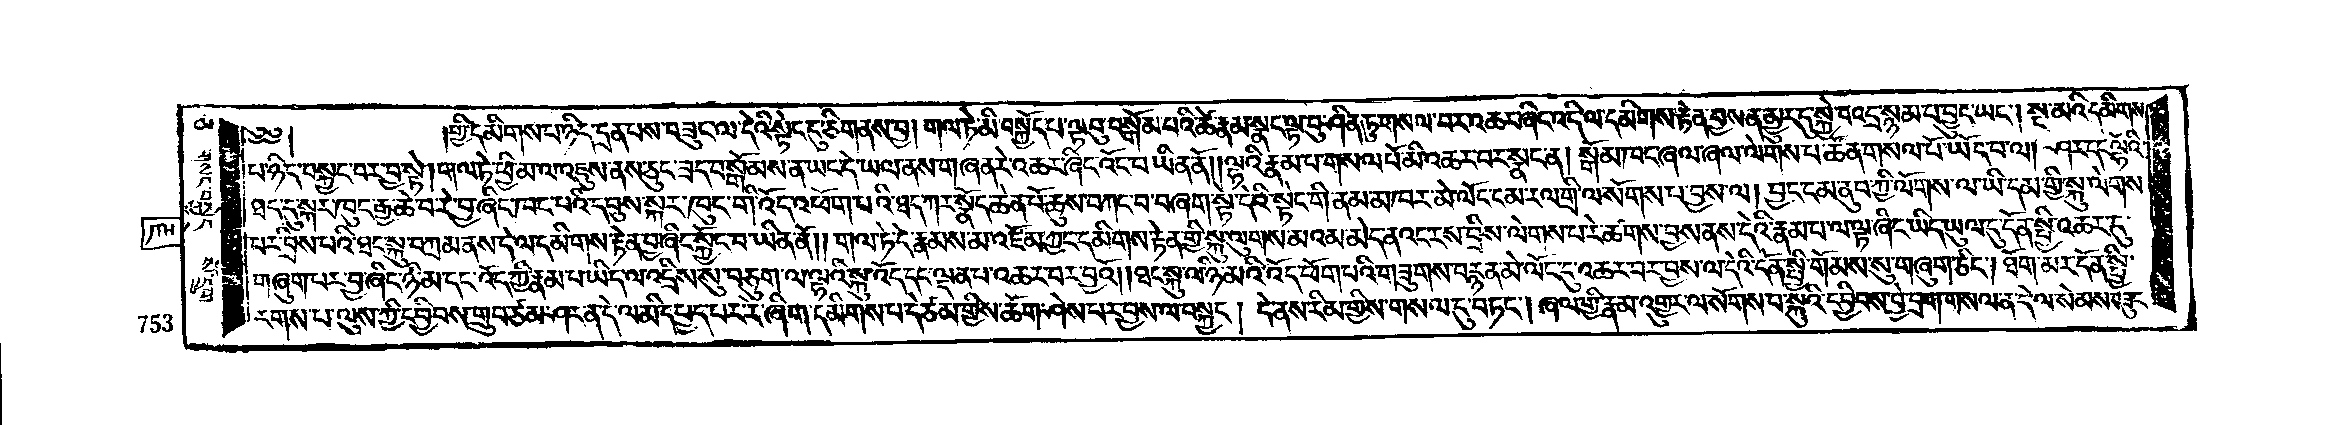༄༅། །གྱི་དམིགས་པ་ཉིད་དྲན་པས་བཟུང་ལ་དེའི་སྟེང་དུ་ཅི་གནས་བྱ། གལ་ཏེ་མི་བསྐྱོད་པ་ལྟ་བུ་བསྒོམ་པའི་ཚེ་རྣམ་སྣང་ལྟ་བུ་ཤིན་ཏུ་གསལ་བར་འཆར་ཞིང་འདི་ལ་དམིགས་རྟེན་བྱས་ན་མྱུར་དུ་སྐྱེ་བ་འདྲ་སྙམ་པ་བྱུང་ཡང་། སྔ་མའི་དམིགས་
པ་ཉིད་བསྐྱང་བར་བྱ་སྟེ། གལ་ཏེ་ཕྱི་མ་ལ་འཇུས་ནས་ཅུང་ཟད་བསྒོམས་ན་ཡང་དེ་ཡལ་ནས་གཞན་རེ་འཆར་ཞིང་འོང་བ་ཡིན་ནོ། །ལྷའི་རྣམ་པ་གསལ་པོ་མི་འཆར་བར་སྣང་ན། སྒོམ་ཁང་ཞལ་ཞལ་ལེགས་པ་ཚོན་གསལ་པོ་ཡོད་པ་ལ། ཤར་དང་ལྷོའི་
ཐད་དུ་སྐར་ཁུང་རྒྱ་ཆེ་བ་རེ་བྱ་ཞིང་ཁང་པའི་དབུས་སྐར་ཁུང་གི་འོད་འཕོག་པའི་ཐད་ཀར་སྣོད་ཆེན་པོ་ཆུས་བཀང་བ་བཞག་སྟེ་དེའི་སྟེང་གི་ནམ་མཁར་མེ་ལོང་དམ་རལ་གྲི་ལ་སོགས་པ་བྱས་ལ། བྱང་ངམ་ནུབ་ཀྱི་ལོགས་ལ་ཡི་དམ་གྱི་སྐུ་ལེགས་
པར་བྲིས་པའི་ཐང་སྐུ་བཀྲམ་ནས་དེ་ལ་དམིགས་རྟེན་བྱ་ཞིང་སྐྱོང་བ་ཡིན་ནོ། །གལ་ཏེ་དེ་རྣམས་མ་འཛོམ་ཀྱང་དམིགས་རྟེན་གྱི་སྐུ་ལུགས་མའམ་མེད་ནའང་རས་བྲིས་ལེགས་པ་རེ་ཚགས་བྱས་ནས་དེའི་རྣམ་པ་ལ་ལྟ་ཞིང་ཡིད་ཡུལ་དུ་དོན་སྤྱི་འཆར་དུ་
གཞུག་པར་བྱ་ཞིང་ཉི་མ་དང་འོད་ཀྱི་རྣམ་པ་ཡིད་ལ་འདྲིས་སུ་བཅུག་ལ་ལྷའི་སྐུ་འོད་དང་ལྡན་པ་འཆར་བར་བྱའོ། །ཐང་སྐུ་ལ་ཉི་མའི་འོད་ཕོག་པའི་གཟུགས་བརྙན་མེ་ལོང་དུ་འཆར་བར་བྱས་ལ་དེའི་དོན་སྤྱི་གོམས་སུ་གཞུག་ཅིང་། ཐོག་མར་དོན་སྤྱི་
རགས་པ་ལུས་ཀྱི་དབྱིབས་གྲུབ་ཙམ་ཤར་ན་དེ་ལ་མི་དཔྱད་པར་རེ་ཞིག་དམིགས་པ་དེ་ཙམ་གྱིས་ཆོག་ཤེས་པར་བྱས་ལ་བསྐྱང་། དེ་ནས་རིམ་གྱིས་གསལ་དུ་བཏང་། ཞལ་གྱི་རྣམ་འགྱུར་ལ་སོགས་པ་སྐུའི་དབྱིབས་བྱེ་བྲག་གསལ་ན་དེ་ལ་སེམས་བཟུང་